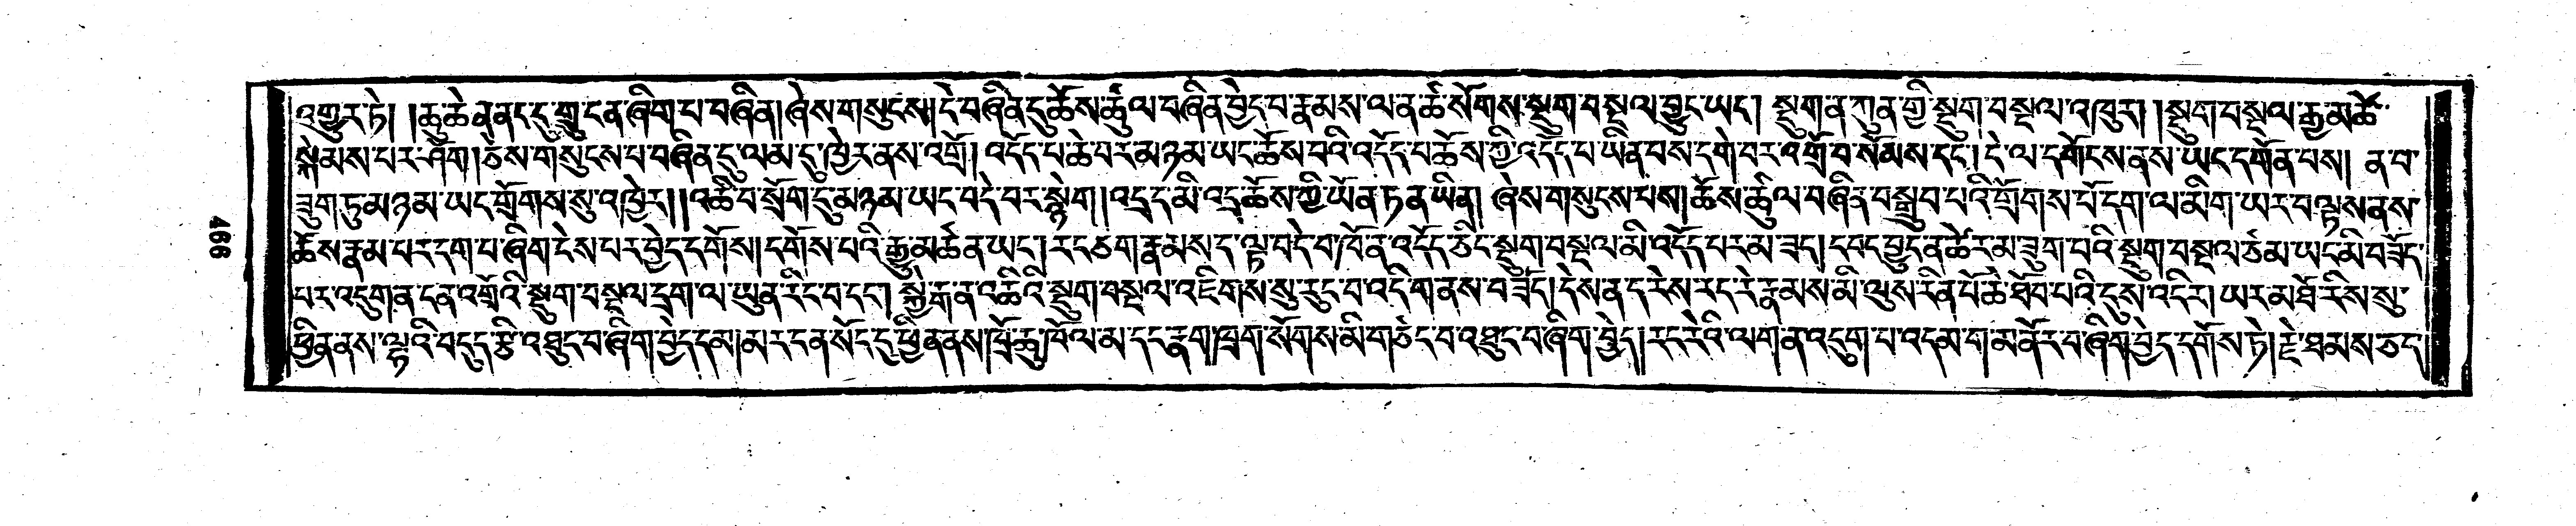འགྱུར་ཏེ། །ཆུ་ཆེན་ནང་དུ་གྲུ་ངན་ཞིག་པ་བཞིན། ཞེས་གསུངས། དེ་བཞིན་དུ་ཆོས་ཚུལ་བཞིན་བྱེད་པ་རྣམས་ལ་ན་ཚ་སོགས་སྡུག་བསྔལ་བྱུང་ཡང་། སྡུག་ན་ཀུན་གྱི་སྡུག་བསྔལ་འཁུར། །སྡུག་བསྔལ་རྒྱ་མཚོ་
སྐེམས་པར་ཤོག །ཅེས་གསུངས་པ་བཞིན་དུ་ལམ་དུ་ཁྱེར་ནས་འགྲོ། འདོད་པ་ཆེ་བར་མཉམ་ཡང་ཆོས་པའི་འདོད་པ་ཆོས་ཀྱི་འདོད་པ་ཡིན་པས་དགེ་བར་འགྲོ་བ་སོམས་དང་། དེ་ལ་དགོངས་ནས་ཡང་དགོན་པས། ན་བ་
ཟུག་ཏུ་མཉམ་ཡང་གྲོགས་སུ་འཁྱེར། །འཆི་བ་སྲོག་དུ་མཉམ་ཡང་བདེ་བར་སྙེག །འདྲད་མི་འདྲ་ཆོས་ཀྱི་ཡོན་ཏན་ཡིན། ཞེས་གསུངས་པས། ཆོས་ཚུལ་བཞིན་བསྒྲུབ་པའི་གྲོགས་པོ་དག་ལ་མིག་ཡར་བལྟས་ནས་
ཆོས་རྣམ་པར་དག་པ་ཞིག་ངེས་པར་བྱེད་དགོས། དགོས་པའི་རྒྱུ་མཚན་ཡང་། རང་ཅག་རྣམས་ད་ལྟ་བདེ་བ་ཁོ་ན་འདོད་ཅིང་སྡུག་བསྔལ་མི་འདོད་པར་མ་ཟད། དབང་བྱུང་ན་ཚེར་མ་ཟུག་པའི་སྡུག་བསྔལ་ཙམ་ཡང་མི་བཟོད་
པར་འདུག་ན་ངན་འགྲོའི་སྡུག་བསྔལ་དྲག་ལ་ཡུན་རིང་བ་དང་། སྐྱེ་རྒ་ན་འཆིའི་སྡུག་བསྔལ་འཇིགས་སུ་རུང་བ་འདིག་ནས་བཟོད། དེས་ན་ད་རེས་རང་རེ་རྣམས་མི་ལུས་རིན་པོ་ཆེ་ཐོབ་པའི་དུས་འདིར། ཡར་མཐོ་རིས་སུ་
ཕྱིན་ནས་ལྷའི་བདུད་རྩི་འཐུང་བ་ཞིག་བྱེད་དམ། མར་ངན་སོང་དུ་ཕྱིན་ནས་ཁྲོ་ཆུ་ཁོལ་མ་དང་རྣག་ཁྲག་སོགས་མི་གཙང་བ་འཐུང་བ་ཞིག་བྱེད། རང་རེའི་ལག་ན་འདུག་པ་འདམ་ག་མ་ནོར་བ་ཞིག་བྱེད་དགོས་ཏེ། རྗེ་ཐམས་ཅད་